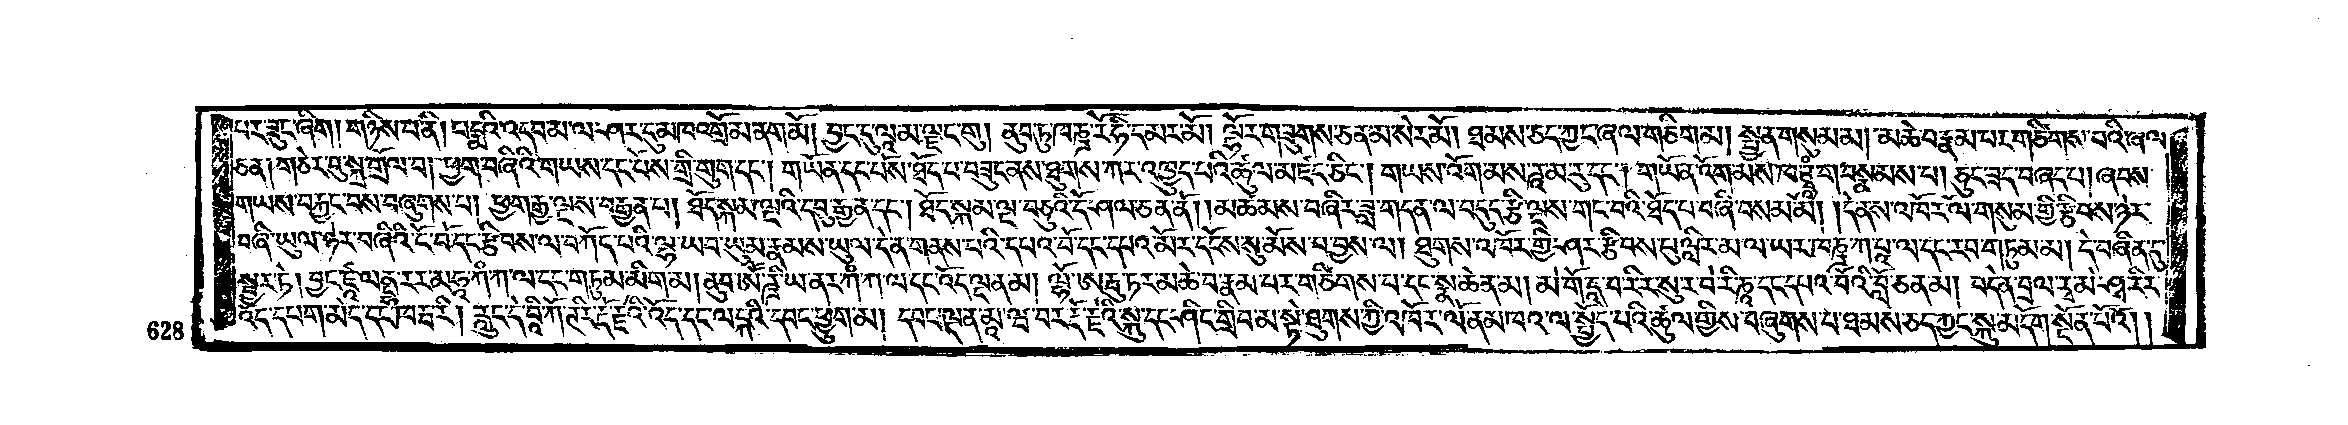པར་ཟུང་ཞིག །གཉིས་པ་ནི། པདམའི་འདབ་མ་ལ་ཤར་དུ་མཁའ་འགྲོ་མ་ནག་མོ། བྱང་དུ་ལཱ་མ་ལྗང་གུ། ནུབ་ཏུ་ཁ་ཎྜ་རོ་ཧི་དམར་མོ། ལྷོར་གཟུགས་ཅན་མ་སེར་མོ། ཐམས་ཅད་ཀྱང་ཞལ་གཅིག་མ། སྤྱན་གསུམ་མ། མཆེ་བ་རྣམ་པར་གཙིགས་པའི་ཞལ་
ཅན། གཅེར་བུ་སྐྲ་གྲོལ་བ། ཕྱག་བཞིའི་གཡས་དང་པོས་གྲི་གུག་དང་། གཡོན་དང་པོས་ཐོད་པ་བཟུང་ནས་ཐུགས་ཀར་འཁྱུད་པའི་ཚུལ་མཛད་ཅིང་། གཡས་འོག་མས་ཌཱ་མ་རུ་དང་། གཡོན་འོག་མས་ཁ་ཊྭཱཾ་ག་བསྣམས་པ། ཅུང་ཟད་བཞད་པ། ཞབས་
གཡས་བརྐྱང་བས་བཞུགས་པ། ཕྱག་རྒྱ་ལྔས་བརྒྱན་པ། ཐོད་སྐམ་ལྔའི་དབུ་རྒྱན་དང་། ཐོད་སྐམ་ལྔ་བཅུའི་དོ་ཤལ་ཅན་ནོ། །མཚམས་བཞིར་ཟླ་གདན་ལ་བདུད་རྩི་ལྔས་གང་བའི་ཐོད་པ་བཞི་བསམ་མོ། །དེ་ནས་འཁོར་ལོ་གསུམ་གྱི་རྩིབས་ཉེར་
བཞི་ཡུལ་ཉེར་བཞིའི་ངོ་བོ་དང་རྩིབས་ལ་བཀོད་པའི་ལྷ་ཡབ་ཡུམ་རྣམས་ཡུལ་དེ་ན་གནས་པའི་དཔའ་བོ་དང་དཔའ་མོར་དངོས་སུ་མོས་པ་བྱས་ལ། ཐུགས་འཁོར་གྱི་ཤར་རྩིབས་པུ་ལླི་ར་མ་ལ་ཡར་ཁཎྜ་ཀ་པཱ་ལ་དང་རབ་གཏུམ་མ། དེ་བཞིན་དུ་
སྦྱར་ཏེ། བྱང་ཛཱ་ལནྡྷ་རར་མཧཱ་ཀཾ་ཀ་ལ་དང་གཏུམ་མིག་མ། ནུབ་ཨཽ་ཌྜི་ཡ་ནར་ཀཾ་ཀ་ལ་དང་འོད་ལྡན་མ། ལྷོ་ཨརྦུ་ཏར་མཆེ་བ་རྣམ་པར་གཙིགས་པ་དང་སྣ་ཆེན་མ། མེ་གོ་དཱ་བ་རིར་སུ་ར་བེ་རི་ཎཱ་དང་དཔའ་བོའི་བློ་ཅན་མ། བདེན་བྲལ་རྭ་མེ་ཤྭ་རིར་
འོད་དཔག་མེད་དང་ཁརྦ་རི། རླུང་དེ་བཱི་ཀོ་ཊིར་རྡོ་རྗེའི་འོད་དང་ལངྐའི་དབང་ཕྱུག་མ། དབང་ལྡན་མཱ་ཝ་བར་རྡོ་རྗེའི་སྐུ་དང་ཤིང་གྲིབ་མ་སྟེ་ཐུགས་ཀྱི་འཁོར་ལོ་ནམ་མཁའ་ལ་སྤྱོད་པའི་ཚུལ་གྱིས་བཞུགས་པ་ཐམས་ཅད་ཀྱང་སྐུ་མདོག་སྔོན་པོའོ། །